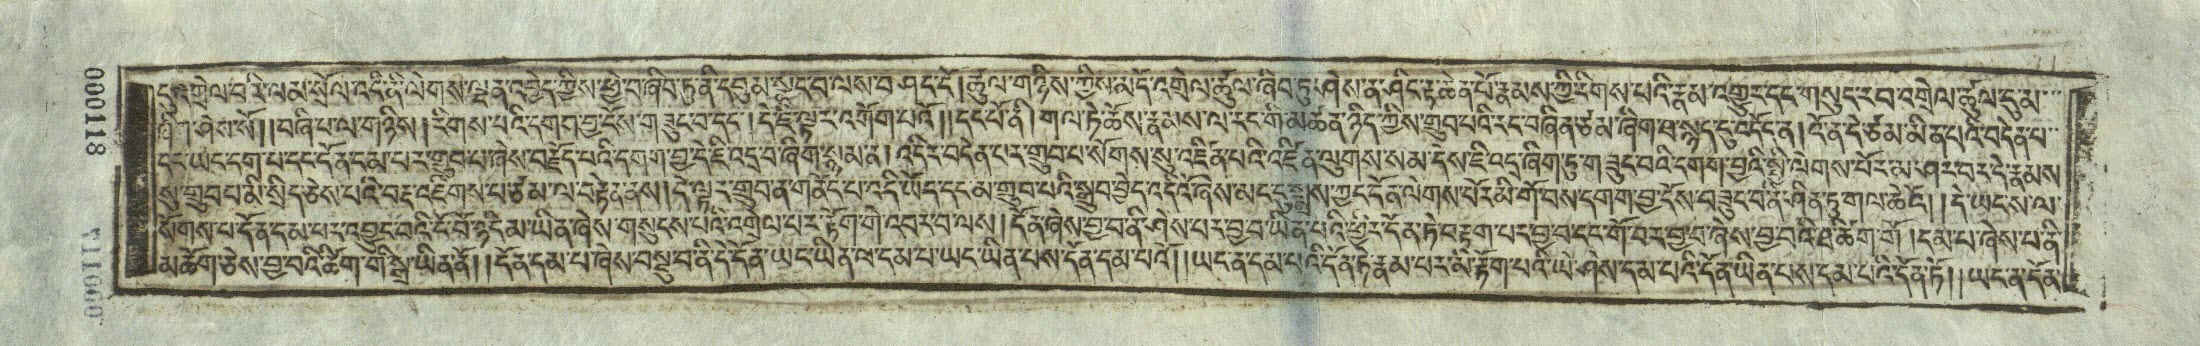དུ་འགྲེལ་བའི་ལམ་སྲོལ་འདི་ནི་ལེགས་ལྡན་འབྱེད་ཀྱིས་ཕྱེ་བ་ཞིབ་ཏུ་ནི་དབུ་མ་སྣང་བ་ལས་བཤད་དེ། ཚུལ་གཉིས་ཀྱིས་མདོ་འགྲེལ་ཚུལ་ཞིབ་ཏུ་ཤེས་ན་ཤིང་རྟ་ཆེན་པོ་རྣམས་ཀྱི་རིགས་པའི་རྣམ་འགྱུར་དང་གསུང་རབ་འགྲེལ་ཚུལ་དུ་མ་
ཞིག་ཤེས་སོ། །བཞི་པ་ལ་གཉིས། རིགས་པའི་དགག་བྱ་ངོས་གཟུང་བ་དང་། དེ་ཇི་ལྟར་འགོག་པའོ། །དང་པོ་ནི། གལ་ཏེ་ཆོས་རྣམས་ལ་རང་གི་མཚན་ཉིད་ཀྱིས་གྲུབ་པའི་རང་བཞིན་ཙམ་ཞིག་ཐ་སྙད་དུ་འདོད་ན། འོ་ན་དེ་ཙམ་མིན་པའི་བདེན་པ་
དང་ཡང་དག་པ་དང་དོན་དམ་པར་གྲུབ་པ་ཞེས་བརྗོད་པའི་དགག་བྱ་དེ་ཇི་འདྲ་བ་ཞིག་སྙམ་ན། འདིར་བདེན་པར་གྲུབ་པ་སོགས་སུ་འཛིན་པའི་འཛིན་ལུགས་སམ་དེས་ཇི་འདྲ་ཞིག་ཏུ་གཟུང་བའི་དགག་བྱའི་སྤྱི་ལེགས་པོར་མ་ཤར་བར་དེ་རྣམས་
སུ་གྲུབ་པ་མི་སྲིད་ཅེས་པའི་བརྡ་འཇིགས་པ་ཙམ་ལ་བརྟེན་ནས། དེ་ལྟར་གྲུབ་ན་གནོད་པ་འདི་ཡོད་དང་མ་གྲུབ་པའི་སྒྲུབ་བྱེད་འདིའོ་ཞེས་མང་དུ་སྨྲས་ཀྱང་དོན་ལེགས་པོར་མི་གོ་བས་དགག་བྱ་ངོས་བཟུང་བ་ནི་ཤིན་ཏུ་གལ་ཆེའོ། །དེ་ཡང་ས་ལ་
སོགས་པ་དོན་དམ་པར་འབྱུང་བའི་ངོ་བོ་ཉིད་མ་ཡིན་ཞེས་གསུངས་པའི་འགྲེལ་པར་རྟོག་གེ་འབར་བ་ལས། དོན་ཞེས་བྱ་བ་ནི་ཤེས་པར་བྱ་བ་ཡིན་པའི་ཕྱིར་དོན་ཏེ་བརྟག་པར་བྱ་བ་དང་གོ་བར་བྱ་བ་ཞེས་བྱ་བའི་ཐ་ཚིག་གོ། དམ་པ་ཞེས་པ་ནི་
མཆོག་ཅེས་བྱ་བའི་ཚིག་གི་སྒྲ་ཡིན་ནོ། །དོན་དམ་པ་ཞེས་བསྡུ་བ་ནི་དེ་དོན་ཡང་ཡིན་ལ་དམ་པ་ཡང་ཡིན་པས་དོན་དམ་པའོ། །ཡང་ན་དམ་པའི་དོན་ཏེ་རྣམ་པར་མི་རྟོག་པའི་ཡེ་ཤེས་དམ་པའི་དོན་ཡིན་པས་དམ་པའི་དོན་ཏོ། །ཡང་ན་དོན་